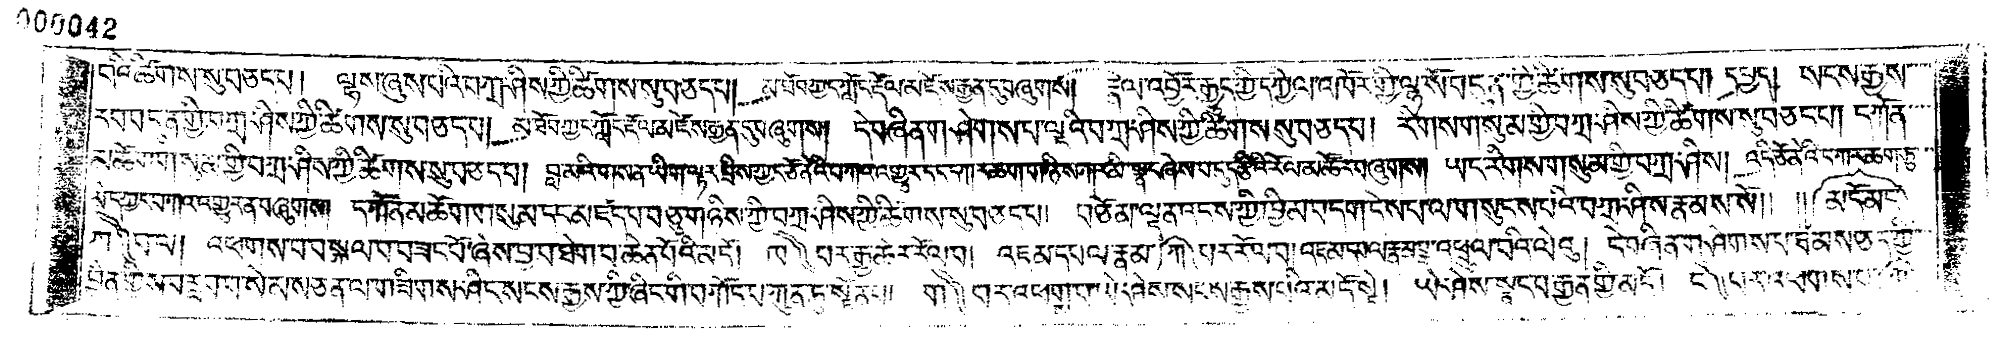བའི་ཚིགས་སུ་བཅད་པ། ལྷས་ཞུས་པའི་བཀྲ་ཤིས་ཀྱི་ཚིགས་སུ་བཅད་པ། མ་ཐོབ་ཀྱང་ཀློང་རྡོལ་མཛེས་རྒྱན་དུ་བཞུགས། རྣལ་འབྱོར་རྒྱུད་ཀྱི་དཀྱིལ་འཁོར་གྱི་ལྷ་སོ་བདུན་གྱི་ཚིགས་སུ་བཅད་པ། དཔྱད།  སངས་རྒྱས་
རབ་བདུན་གྱི་བཀྲ་ཤིས་ཀྱི་ཚིགས་སུ་བཅད་པ། མ་ཐོབ་ཀྱང་ཀློང་རྡོལ་མཛེས་རྒྱན་དུ་བཞུགས།  དེ་བཞིན་གཤེགས་པ་ལྔའི་བཀྲ་ཤིས་ཀྱི་ཚིགས་སུ་བཅད་པ། རིགས་གསུམ་གྱི་བཀྲ་ཤིས་ཀྱི་ཚིགས་སུ་བཅད་པ། དཀོན་
མཆོག་གསུམ་གྱི་བཀྲ་ཤིས་ཀྱི་ཚིགས་སུ་བཅད་པ། བླ་མའི་གསན་ཡིག་ལྟར་བྲིས་ཀྱང་ཅོ་ནེའི་བཀའ་འགྱུར་དང་དཀར་ཆག་གཉིས་ཀར་མི་སྣང་ཞེས་བདུད་རྩིའི་རོལ་མཚོར་བཞུགས།  ཡང་རིགས་གསུམ་གྱི་བཀྲ་ཤིས་འདི་ཅོ་ནེའི་དཀར་ཆག་ཏུ་
མེད་ཀྱང་བཀའ་འགྱུར་ན་བཞུགས། དཀོན་མཆོག་གསུམ་དང་མཛད་པ་བཅུ་གཉིས་ཀྱི་བཀྲ་ཤིས་ཀྱི་ཚིགས་སུ་བཅད་པ། བཅོམ་ལྡན་འདས་ཀྱི་ཁྱིམ་བདག་དེས་པ་ལ་གསུངས་པའི་བཀྲ་ཤིས་རྣམས་སོ།། །།༼མདོ་མང༽
ཀ༼༽ པ་ལ། འཕགས་པ་བསྐལ་བ་བཟང་པོ་ཞེས་བྱ་བ་ཐེག་པ་ཆེན་པོའི་མདོ། ཁ༼༽ པར་རྒྱ་ཆེར་རོལ་བ། འཇམ་དཔལ་རྣམ ༼ཀ༽ པར་རོལ་བ་འཇམ་དཔལ་རྣམ་པར་འཕྲུལ་བའི་ལེའུ།  དེ་བཞིན་གཤེགས་པ་ཐམས་ཅད་ཀྱི་
བྱིན་གྱིས་བརླབ་པ་སེམས་ཅན་ལ་གཟིགས་ཤིང་སངས་རྒྱས་ཀྱི་ཞིང་གི་བཀོད་པ་ཀུན་ཏུ་སྟོན་པ། ག༼༽ པར་འཕགས་པ་ཡེ་ཤེས་སངས་རྒྱས་པའི་མདོ་སྡེ། ཡེ་ཤེས་སྣང་པ་རྒྱན་གྱི་མདོ། ང༼༽ པར་འཕགས་པ ༼ཀ༽